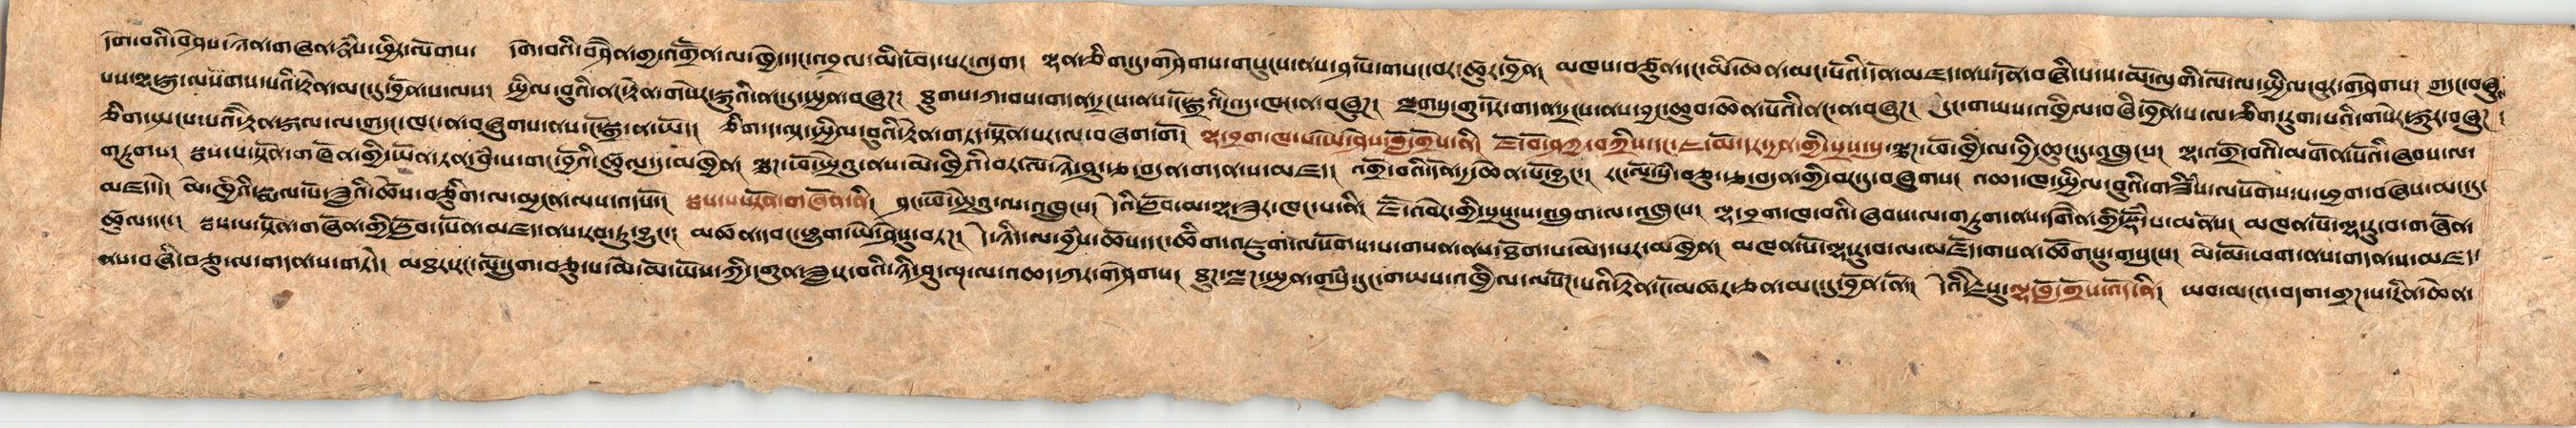དགེ་བའི་བཤེས་ཉེན་གཞན་རྣཾས་ཕྱིར་ལོགས་ དགེ་བའི་བཤཻན་གྱ་འགྲཽན་ལ་ཁྱེད་དང་འབྲལ་མི་ཕོད་པར་འདུག། ལྷན་ཅིག་ཏུ་གཤེགས་གསུངས་ནས་ཤ་པོ་གསང་བར་ཚུན་བྱོན། མཁས་བཙུན་དང་མི་ཆེན་མང་པོའི་དོན་མཛད་ནས་དོན་བཞི་པ་ས་མོ་ལུགི་ལོ་ལ་སྤྱིལ་བུར་གཤེགས། གདུང་བཞུས
པས་ལྷ་སྐུ་ལསོགས་པའི་རྟེན་མང་དུ་བྱོན་པ་ལས། སྤྱིལ་བུའི་ནང་རྟེན་གསེར་སྐུའི་ནང་དུ་སྤྱན་བཞུཌ། ཐུགས་ཀ་བས་གདན་དྲངས་ནས་ངོ་སྒྲའི་འདུ་ཁང་ན་བཞུཌ། ལྗགསུ་གུ་དོར་གདན་དྲངས་ནས་བྱང་ཆུབ་ཆེན་པོའི་ནང་ན་བཞུཌ། དུང་གཡས་འཁྱིལ་བཞི་བྱོན་པ་ལ་ཅིག་རུག་པའི་གསེར་སྐུར་བཞུཌ།
ཅིག་སྤངས་པའི་རྟེན་སྐལ་ལ་གདུང་ཁང་ན་བཞུགས་ནས་ངོ་སྒྲ་ན་ཡོད། ཅིག་ད་ལྟ་སྤྱིལ་བུའི་རྟེན་གཏད་སྟོན་པར་ལ་བཞག་གོ། ལྷ་བྲག་ཁ་ས་ཡེ་ཤེས་བློ་གྲོས་ནི། ཇོ་བོ་ཤཀྱ་བཀྲིས་དང་ཇ་མོ་དར་དྱན་གྱི་སྲས་སུ་ལྕཌ་ཕོ་ཁྱི་ལ་བྱི་ཆུང་དུ་འཁྲུངས། ལྷ་འགྲོ་བའི་མགོན་པོའི་ཞབས་ལ་
གཏུགས། སྦས་པ་སྟོན་གཞོན་གྱི་ཡོན་ཏན་བུཾ་པ་གང་བྱོའི་ཚུལ་དུ་མཁྱེན། ལྕཌ་ཕོ་སྤྲེའུ་ནས་མེ་ཁྱའི་བར་ལོ་ཉི་ཤུ་རྩ་བདུན་གདན་ས་མཛད། འགྲོ་བའི་དོན་དྱ་ཆེན་པོ་བྱུང་། རང་ལོ་སུཾ་བཅུ་རྩ་བདུན་གྱི་བར་དུ་བཞུགས། འཆད་ཁ་སྤྱིལ་བུའི་གཟིཾས་ལསོགས་པ་ཕྱག་བཞེས་མང་དུ་
མཛད་དེ། མེ་ཁྱིའི་སྨལ་པོ་ཟླའི་ཚེས་བཅིུག་ལ་མྱངན་ལས་འདསོ་། སྦས་པ་ཡྟོན་གཞོན་ནི། ཤང་ཕོ་སྤྲེའུ་ལ་འཁྲུངས། དེའི་སློབ་མ་ལྷ་ཟུར་ཁང་པ་ནི། ཇཽ་འབེར་གྱི་སྲསུ་ས་འབྲུག་ལ་འཁྲུངས། ལྷ་བྲག་ཁ་བའི་ཞབས་ལ་གཏུག་ནས་དགཻན་གྱི་སྡོམ་པ་མནོས། མཁན་པོ་ལྷ་རུ་བ་གཞོན་
ཚུལ་དང་། སྦས་པ་སྟོན་གཞོན་གྱི་སློབ་དཔོན་མཛད་ནས་རབ་ཏུ་བྱུང་། མཚན་དབང་ཕྱུག་ཡེ་ཤེསུ་བཏཌ། དེ་ཉིད་ལ་བྱཾས་ཆོས་དང་ཚིག་འཇུག་ལསོགས་པ་གསན་ནས་ཐོག་པ་མེད་པར་མཁྱེན། མཁན་པོ་ལྷ་རུ་བ་ལ་མཛོད་གསན་ཚོགསུ་གསུངས། མེ་མོ་ཕག་ནས་གདན་ས་མཛད་
ནས་བཞི་བཅུ་ལ་གདན་ས་གཏདེ། མཐར་རང་ལོ་དྲུག་བཅུ་པ་མེ་མོ་ཡོས་ཀྱི་དགུན་ཟླ་ར་བའི་ཉི་ཤུ་ལྔ་ལ་འཆད་ཀར་གཤེགས། ཐུཌ་ལྗཌ་སྤྱན་གསུཾ་དུང་གཡས་འཁྱིལ་ལསོཌ་པའི་རྟེན་ངོ་མཚར་ཅན་མང་དུ་བྱོན་ནོ་། དེའི་རྗེསུ་ལྷ་བློ་གྲོས་འོད་ནི། ཡབ་མངའ་བདག་གྲཌ་པ་རིན་ཆེན་